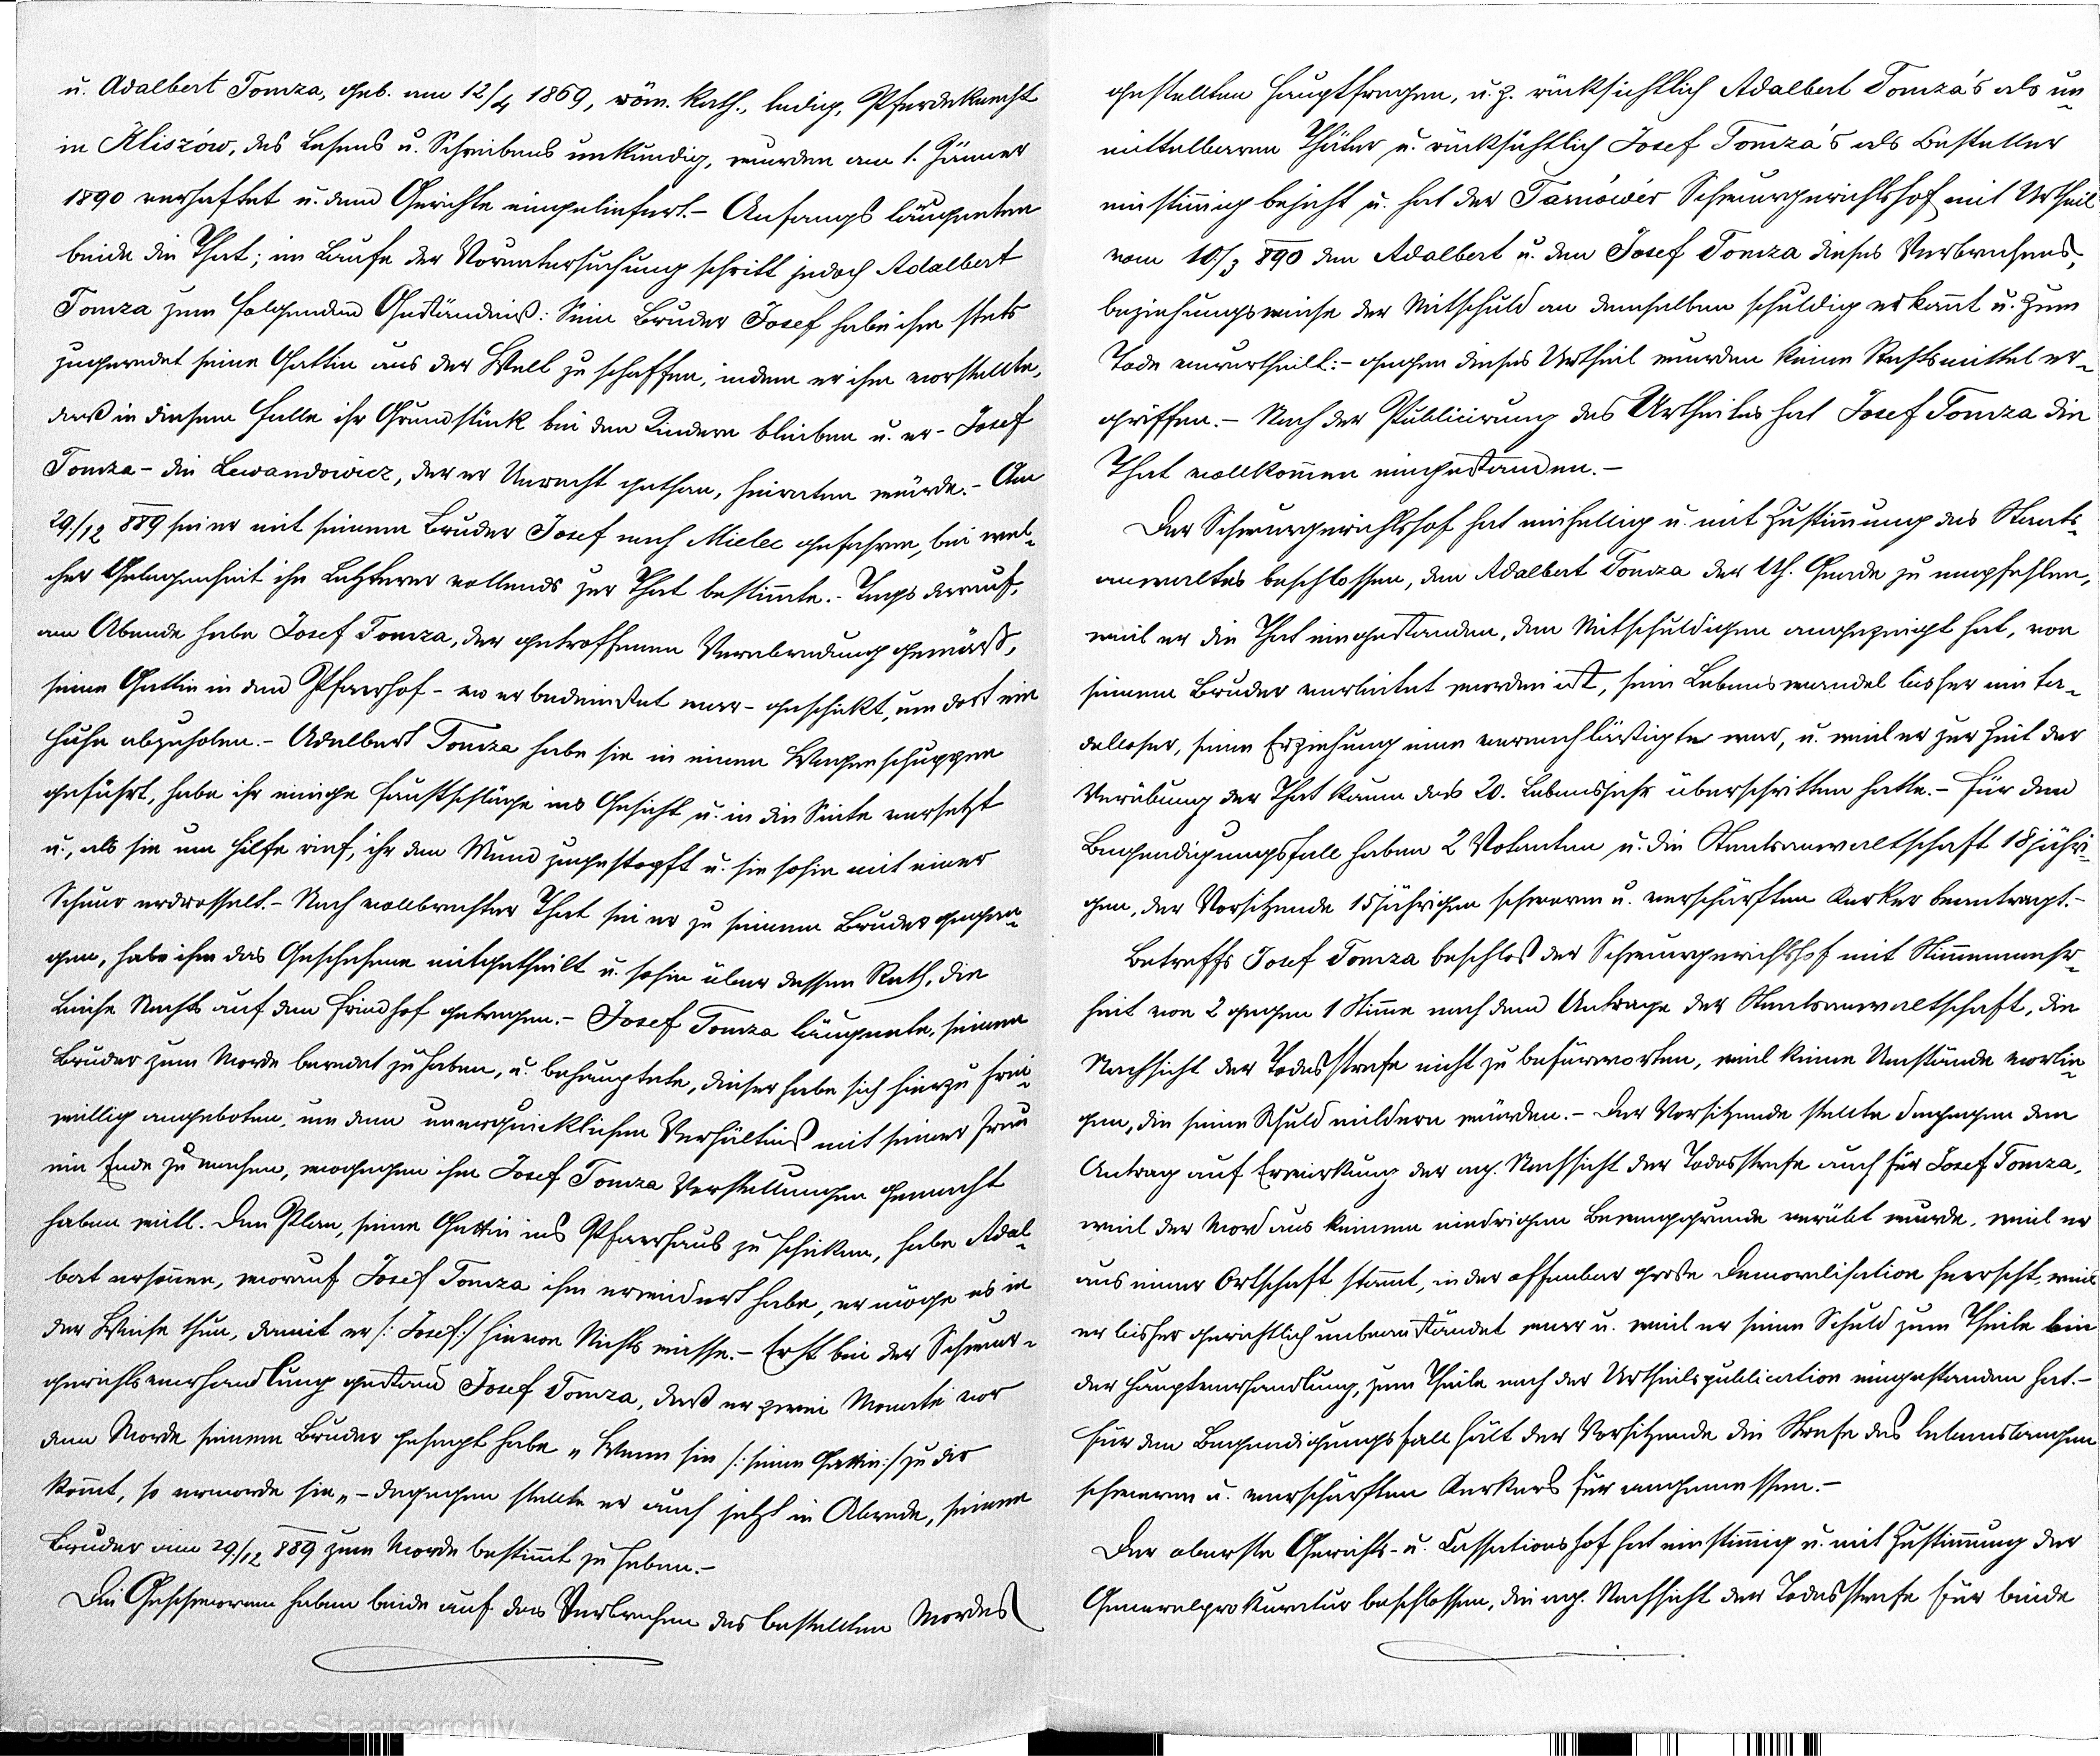u. Adalbert Tomza, geb. am 12/4 1869, röm. kath., ledig, Pferdekamst
in Kliszów, des Lesens u. Schreibens unkundig, wurden am 1. Jänner
1890 verhaftet u. dem Gerichte eingeliefert.- Anfangs läugenten
beide die That; im Laufe der Voruntersuchung schritt jedoch Adalbert
Tomza zum folgenden Geständniß: Sein Bruder Josef habe ihm stets
zugeredet seine Gattin aus der Well zu schaffen, indem er ihm vorstellte,
daß in diesem Felle ihr Grundstück bei den Kindern bleiben u. er- Josef
Tomza - die Lewandowicz, der er Unrecht gethan, heiraten wurde.- Am
29./12 889 sei er mit seinem Bruder Josef nach Mielec gefahren, bei wel¬
cher Gelegenheit ihn Letzterer vollends zur That bestimmte.- Tags darauf,
am Abende habe Josef Tomza, der getroffenen Verabredung gemäß,
seine Gattin in den Pfarrhof - wo er bedienstet war - geschickt, um dort ein
Huhn abzuholen.- Adalbert Tomza habe sie in einen Wegen schuppen
geführt, habe ihr einige faustschlüge ins Gesicht u. in die Seite versetzt
u., als sie um Hilfe rief, ihr den Mund zugestopft u. sie sohin mit einer
Schnur erdrosselt.- Nach vollbrachter That sei er zu seinem Bruder gegan¬
gen, habe ihm das Geschehene mitgetheilt u. sohin über dessen Rath, die
Leiche Nachts auf den Friedhof getragen.- Josef Tomza läugnete, seinen
Bruder zum Morde beredet zu haben, u. behauptete, dieser habe sich hierzu frei¬
willig angeboten, um dem unerquicklichen Verhältnis mit seiner Frau
ein Ende zu machen, wogegen ihm Josef Tomza Vorstellungen Gemacht
haben will. Den Plan, seine Gattin ins Pfarrhaus zu schicken, habe Adal¬
bert ersonnen, worauf Josef Tomza ihm erwidert habe, er möge es in
der Weise thun, damit er /:Josef:/ hievon Nichts müsse.- Erst bei der Schwur¬
gerichtsverhandlung gestand Josef Tomza, daß er zwei Monate vor
dem Morde seinem Bruder gesagt habe „Wenn sie /:seine Gattin:/ zu die
kommt, so ermorde sie„- dagegen stellte er auch sicht in Abrede, seinen
Bruder am 29./12 889 zum Morde bestimmt zu haben.-
Die Geschwornen haben beide auf der Verbrahen des bestellten Mordes
gestellten Hauptfragen, u.z. rücksichtlich Adalbert Tomza’s als un¬
mittelbaren Thäter u. rücksichtlich Josef Tomza’s als Besteller
einstimmig bejaht u. hat der Tamówér Schwurgerichtshof mit Urtheil
vom 10/3 890 dem Adalbert u. den Josef Tomza dieses Verbrechens,
beziehungsweise der Mitschuld an demselben schuldig erkannt u. zum
Tode verurtheilt:- Gegen dieses Urtheil wurden keine Rechtsmittel er
griffen.- Nach der Publicirung des Urtheiles hat Josef Tomza die
That vollkommen eingestanden.-
Der Schwurgerichtshof hat einhellig u. mit Zustimmung das Staats¬
anwaltes beschlossen, den Adalbert Tomza der Ah. Gnade zu empfehlen,
weil er die That eingestanden, den Mitschuldigen angezeigt hat, von
seinem Bruder verleitet worden ist, sein Lebenswandel bisher ein ta¬
delloser, seine Erziehung eine vernachläßigte war, u. weil er zur Zeit der
Verübung der That kaum das 20. Lebenssehr überschritten hatte.- Für den
Begnadigungsfall haben 2 Votanten u. die Staatsanwaltschaft 18jähri¬
gen, der Vorsitzende 15jährigen schweren u. verschärften Kerker beantragt.-
Betreffs Josef Tomza beschlos der Schwurgerichtshof mit Stimmenmehr¬
heit von 2 gegen 1 Stimme nach den Antrage der Staatsanwaltschaft, die
Nachsicht der Todesstrafe nicht zu befürworten, weil keine Umstände vorlie¬
gen, die seine Schuld mildern würden.- Der Vorsitzende stellte dagegen den
Antrag auf Erwirkung der xx. Nachsicht der Todesstrafe auch für Josef Tomza,
weil der Mord aus keinem eindrigen Beweggrunde verübt wurde, weil er
aus einer Ortschaft stammt, in der offenbar große Demoralisation herrscht, weil
er bisher gerichtlich unbeanständet war u. weil er seine Schuld zum Theile bin
der Hauptverhandlung, zum Theile nach der Urtheilspublication eingestanden hat.-
Für den Begandigungsfall hält der Vorsitzende die Strafe des lebensbangen
schweren u. verschärften Kerkers für angemessen.-
Der oberste Gerichts- u. Cassationshof hat einstimmig u. mit Zustimmung der
Generalprokuratur beschlossen, die xx Nachsicht der Todesstrafe für beide